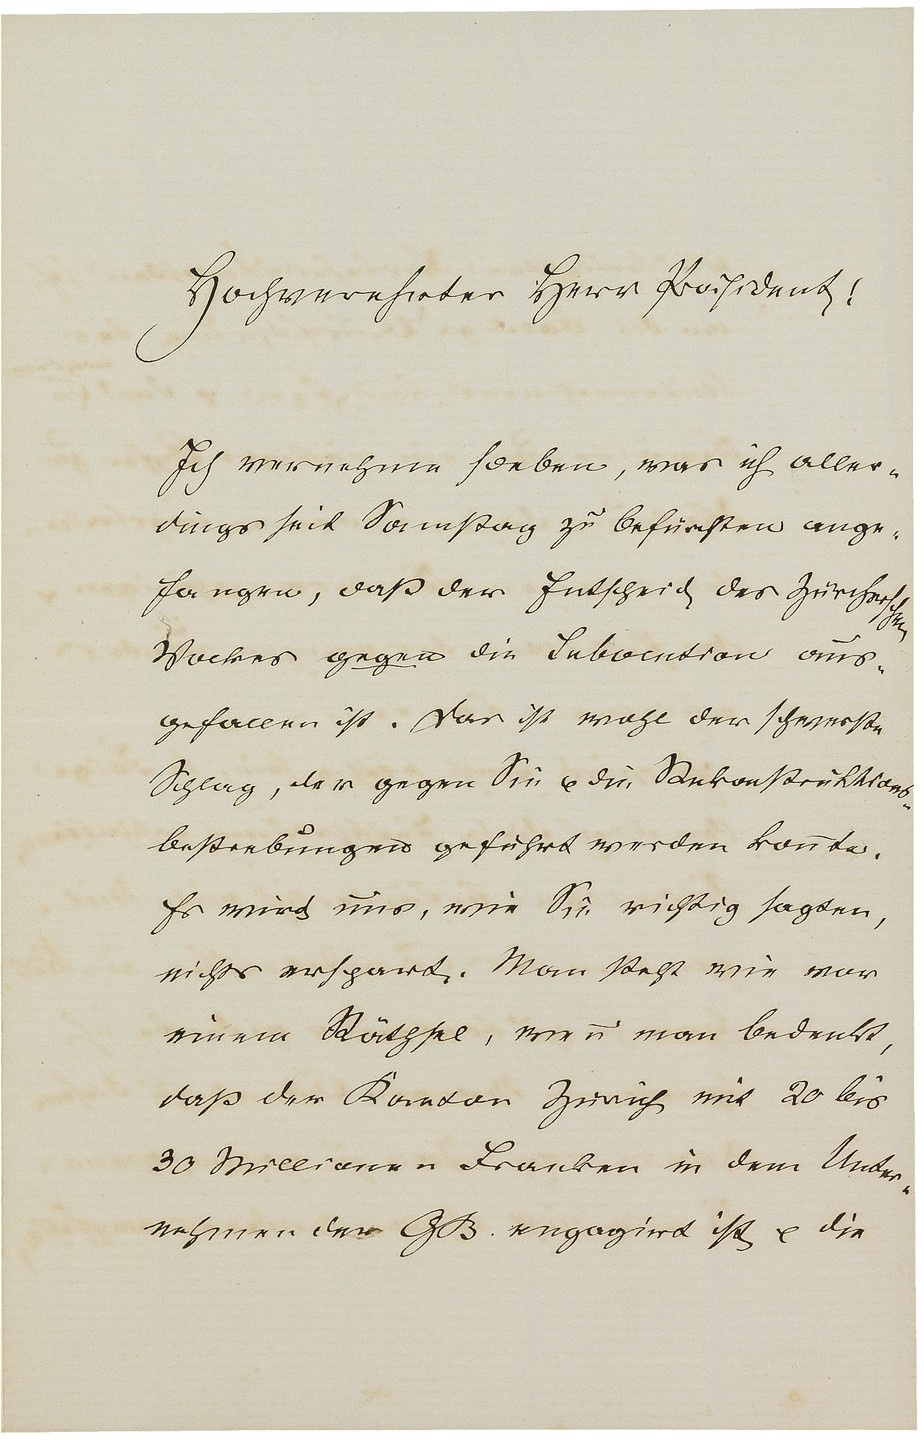Hochverehrter Herr Präsident!
Ich vernehme soeben, was ich aller-
dings seit Samstag zu befürchten ange-
fangen, daß der Entscheid des Zürcherischen
Volkes gegen die Subvention aus-
gefallen ist. Das ist wohl der schwerste
Schlag, der gegen Sie & die Rekonstruktions-
bestrebungen geführt werden konnte.
Es wird uns, wie Sie richtig sagten,
nichts erspart. Man steht wie vor
einem Räthsel, wenn man bedenkt,
daß der Kanton Zürich mit 20 bis
30 Millionen Franken in dem Unter-
nehmen der GB. engagirt ist & die